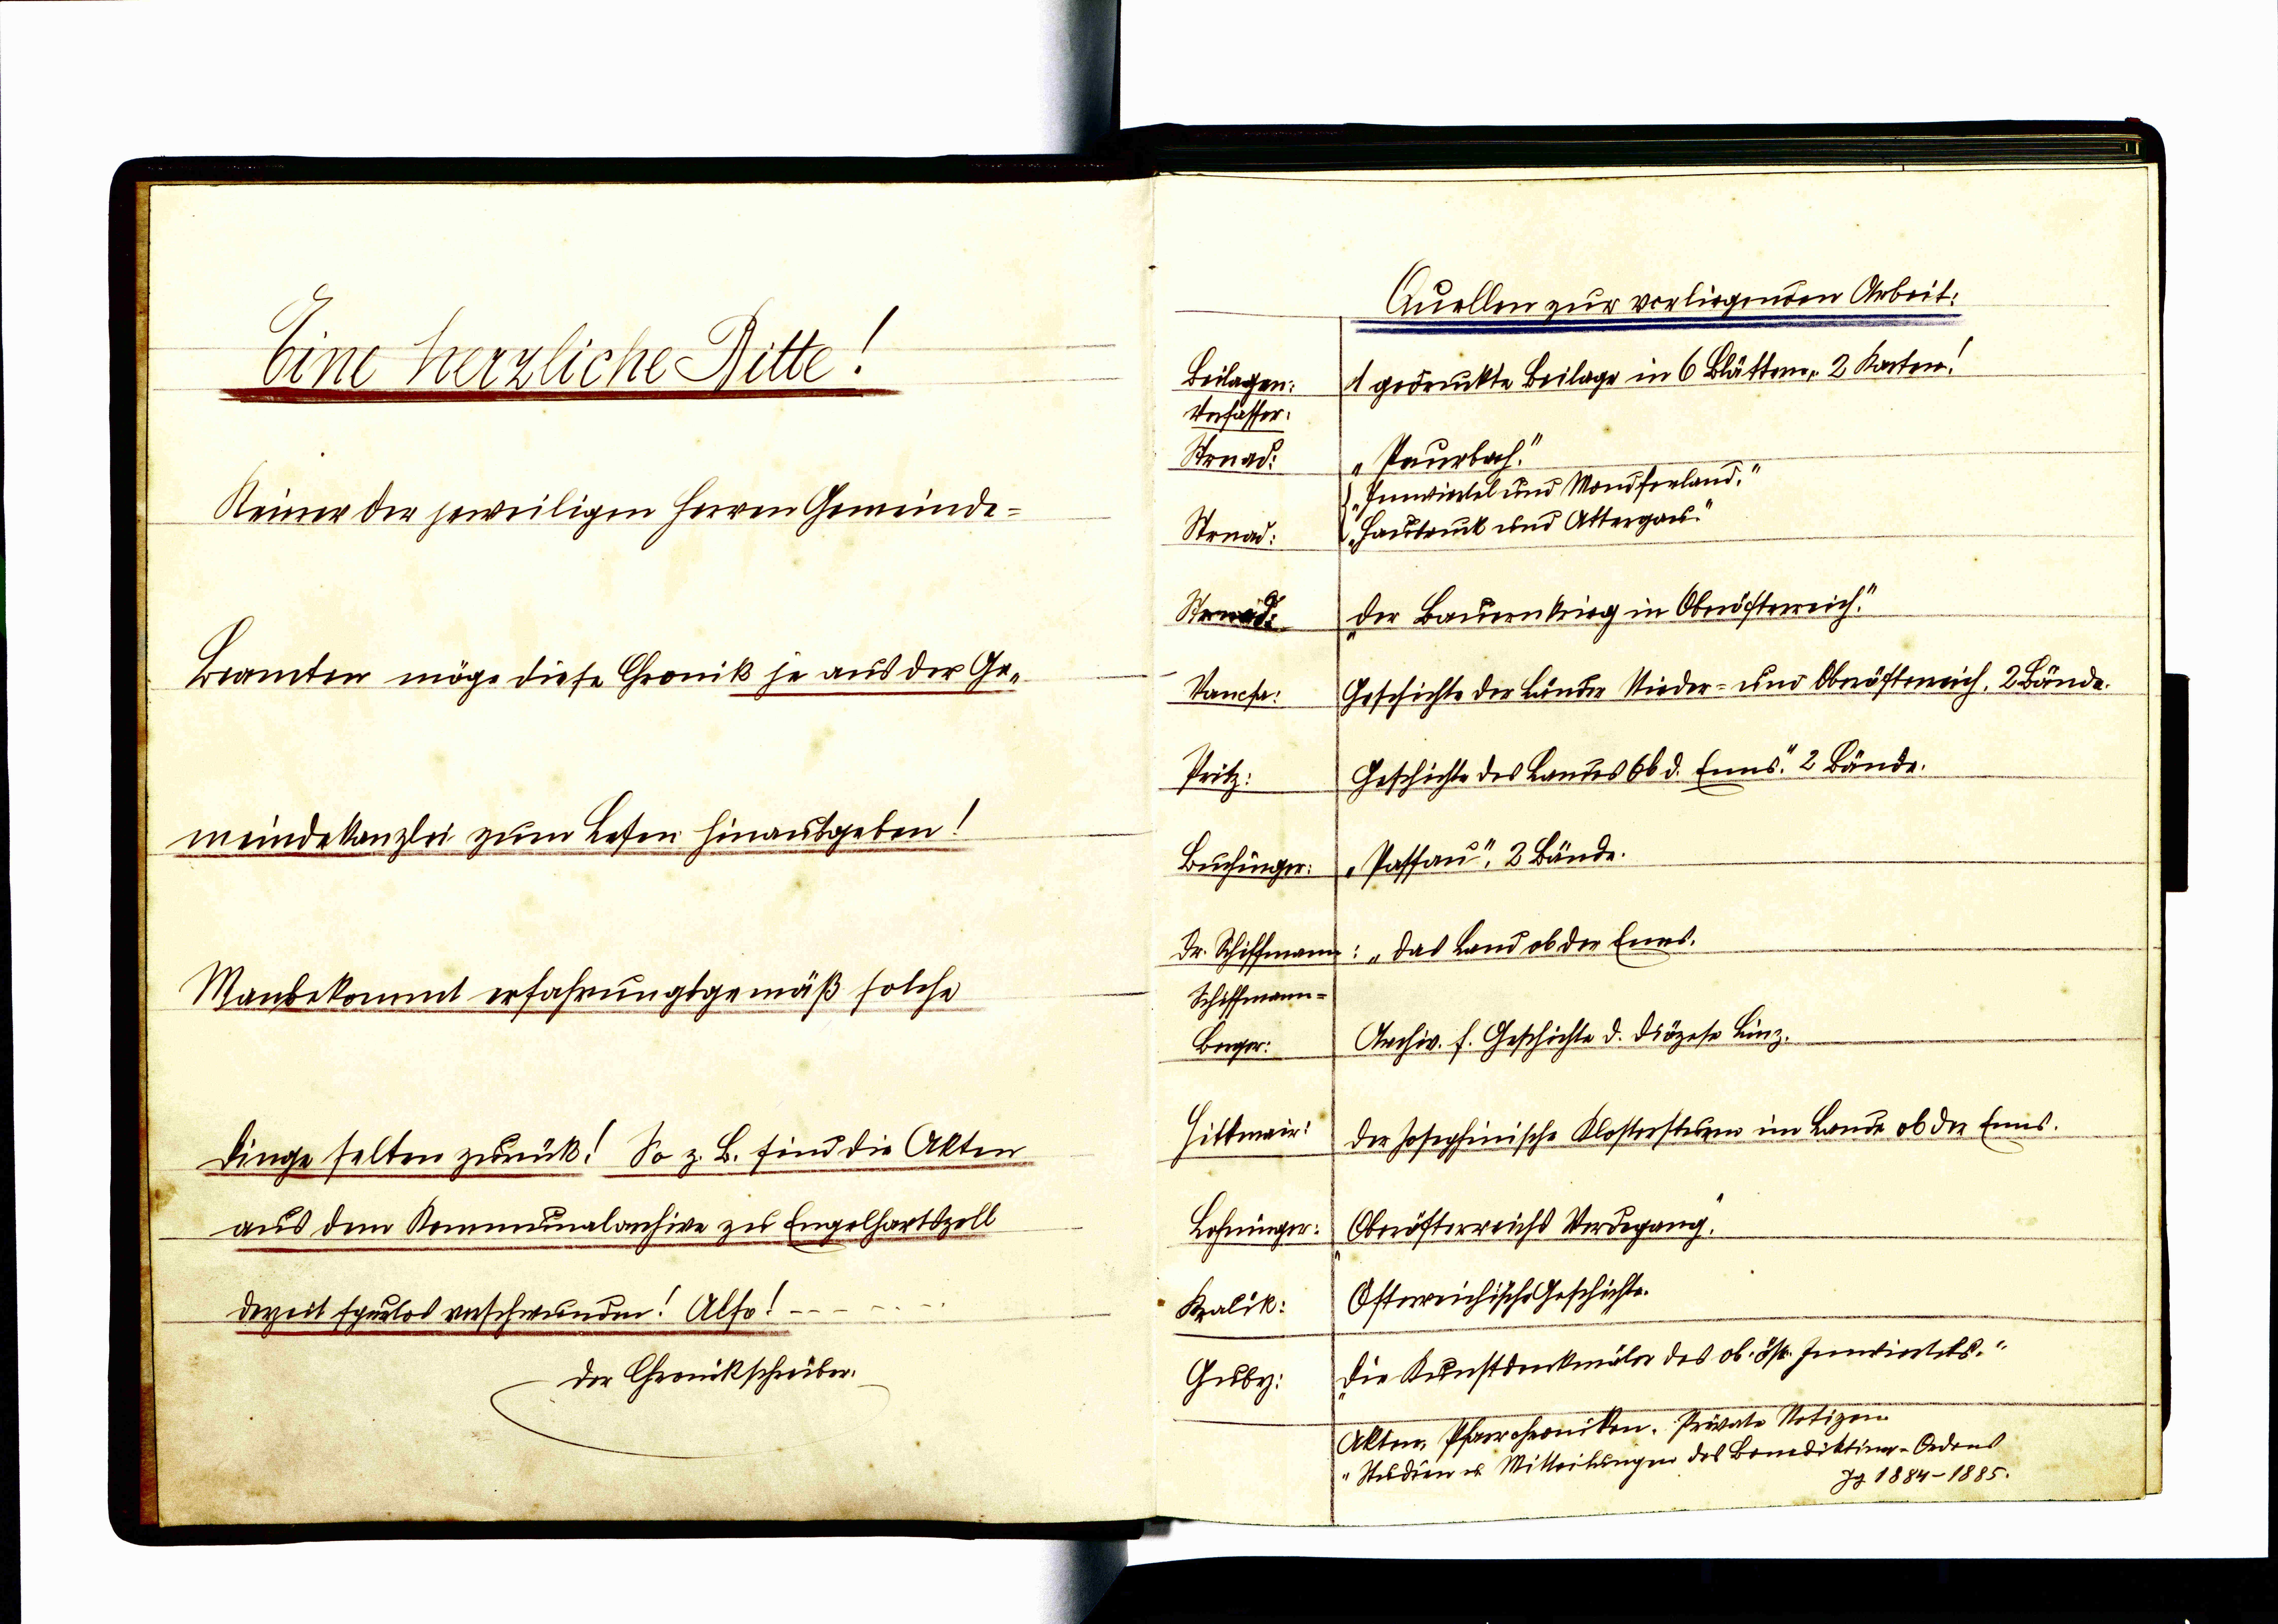Eine herzliche Bitte!
Keiner der jeweiligen Herren Gemeinde-
beamten möge diese Chronik je aus der Ge-
meindekanzlei zum Lesen herausgeben!
Man bekommt erfahrungsgemäß solche
Dinge selten zurück! So z.B. sind die Akten
aus dem Kommunalarchiv zu Engelhartszell
derzeit spurlos verschwunden! Also! ….
der Chronikschreiber
Beilagen:
Verfasser:
Strnad:
Strnad:
Strnad:
Vanesa:
Pritz:
Buchinger:
Dr. Schiffmann
Schiffmann-
berger:
Hittmair:
Lohninger:
Kralik:
Guby:
Quellen zur vorliegenden Arbeit:
1 gedruckte Beilage in 6 Blättern, 2 Karten!
„Peuerbach“
„Innviertel und Mondseeland“
„Hausruck und Attergau“
„Der Bauernkrieg in Oberösterreich“
Geschichte der Länder Nieder- und Oberösterreich. 2 Bände
Geschichte des Landes ob d. Enns. 2 Bände
„Passau“. 2 Bände
„Das Land ob der Enns.“
Archiv f. Geschichte d. Diözese Linz.
Der Josephinische Klostersturm Im Land ob der Enns
Österreichs Werdegang
Österreichische Geschichte
"Die Kunstdenkmäler des ob. öst. Innviertels.“
Akten, Pfarrchroniken, private Notizen
Studien u. Mitteilungen des Benediktiner Ordens
Jg 1884-1885.